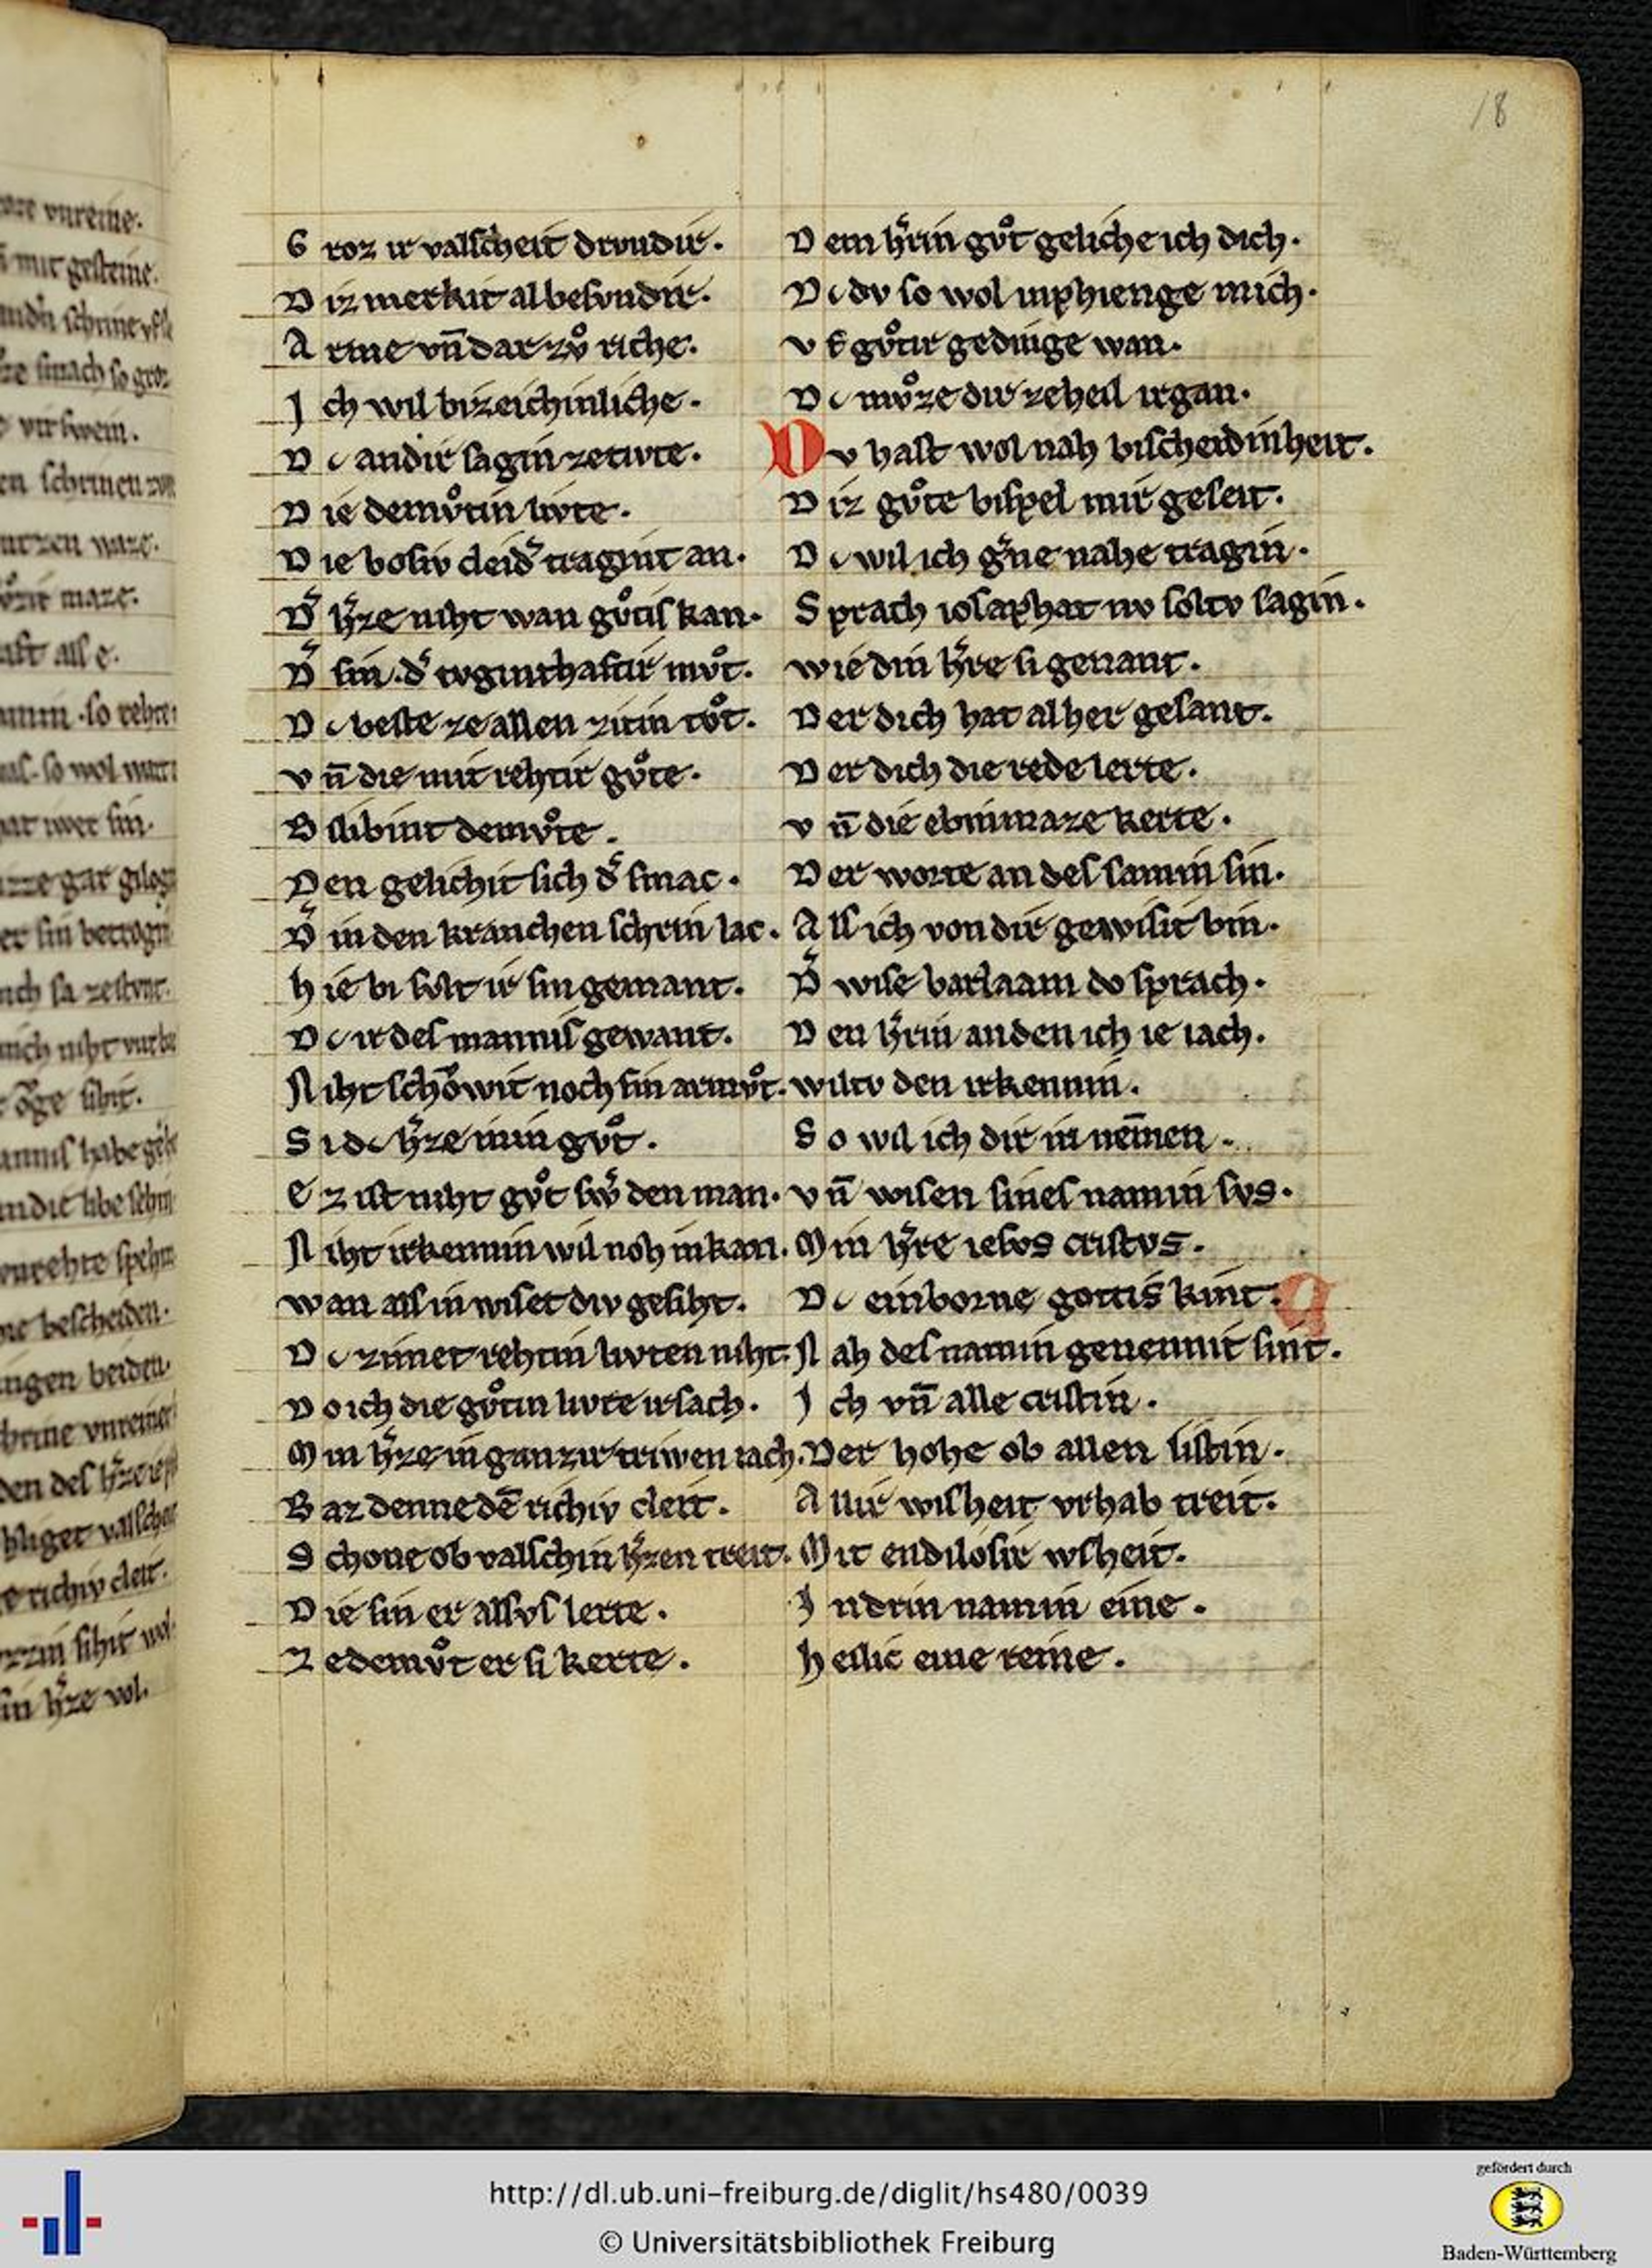Groz ir valſcheit drvndir.
Diz merkit al beſvndir.
Arme vn(d) dar zv°o riche.
Ich wil bizeichinliche.
D(az) andir ſagin zetivte.
Die demv°otin livte.
Die boſiv cleid(er) tragint an.
D(er) h(er)ze niht wan gv°otiſ kan.
D(er) ſin. d(er) tvginthaftir mv°ot.
D(az) beſte ze allen zitin tv°ot.
Vn(d) die mit rehtir gv°ote.
Bilibint demv°ote.
Den gelichit ſich d(er) ſmac.
D(er) in den kranchen ſchrin lac.
Hie bi ſvlt ir ſin gemant.
D(az) ir deſ manniſ gewant.
Niht ſcho°vwit noch ſin armv°ot.
Si d(az) h(er)ze inin gv°ot.
Ez iſt niht gv°ot ſw(er) den man.
Niht irkennin wil noh inkan.
Wan alſ in wiſet div geſiht.
D(az) zimet rehtin livten niht.
Do ich die gv°otin livte irſach.
Min h(er)ze in ganzir triwen iach.
Baz denne de(n) richiv cleit.
Schone ob valſchin h(er)zen treit.
Die ſin er alſvſ lerte.
Zedemv°ot er ſi kerte.
Dem h(er)rin gv°ot geliche ich dich.
D(az) dv ſo wol inphienge mich.
Vf gv°otir gedinge wan.
D(az) mv°oze dir zeheil irgan.
*Dv haſt wol nah biſcheidinheit.
Diz gv°ote biſpel mir geſeit.
D(az) wil ich g(er)ne nahe tragin.
Sprach ioſaphat nv ſoltv ſagin.
Wie din h(er)re ſi genant.
D(er) dich hat alher geſant.
Der dich die rede lerte.
Vn(d) die ebinmaze kerte.
Der worte an deſ ſamin ſin.
Alſ ich von dir gewiſit bin.
D(er) wiſe barlaam do ſprach.
Den h(er)rin anden ich ie iach.
wiltv den irkennin.
So wil ich dir in ne(m)men.
Vn(d) wiſen ſineſ namin ſvs.
Min h(er)re ieſvs criſtvs.
D(az) einborne gottis kint.
Nah deſ namin genennit ſint.
Ich vn(d) alle criſtin.
Der hohe ob allen liſtin.
Allir wiſheit vrhab treit.
Mit endiloſir wſheit.
Indrin namin eine.
Heilic eine reine.